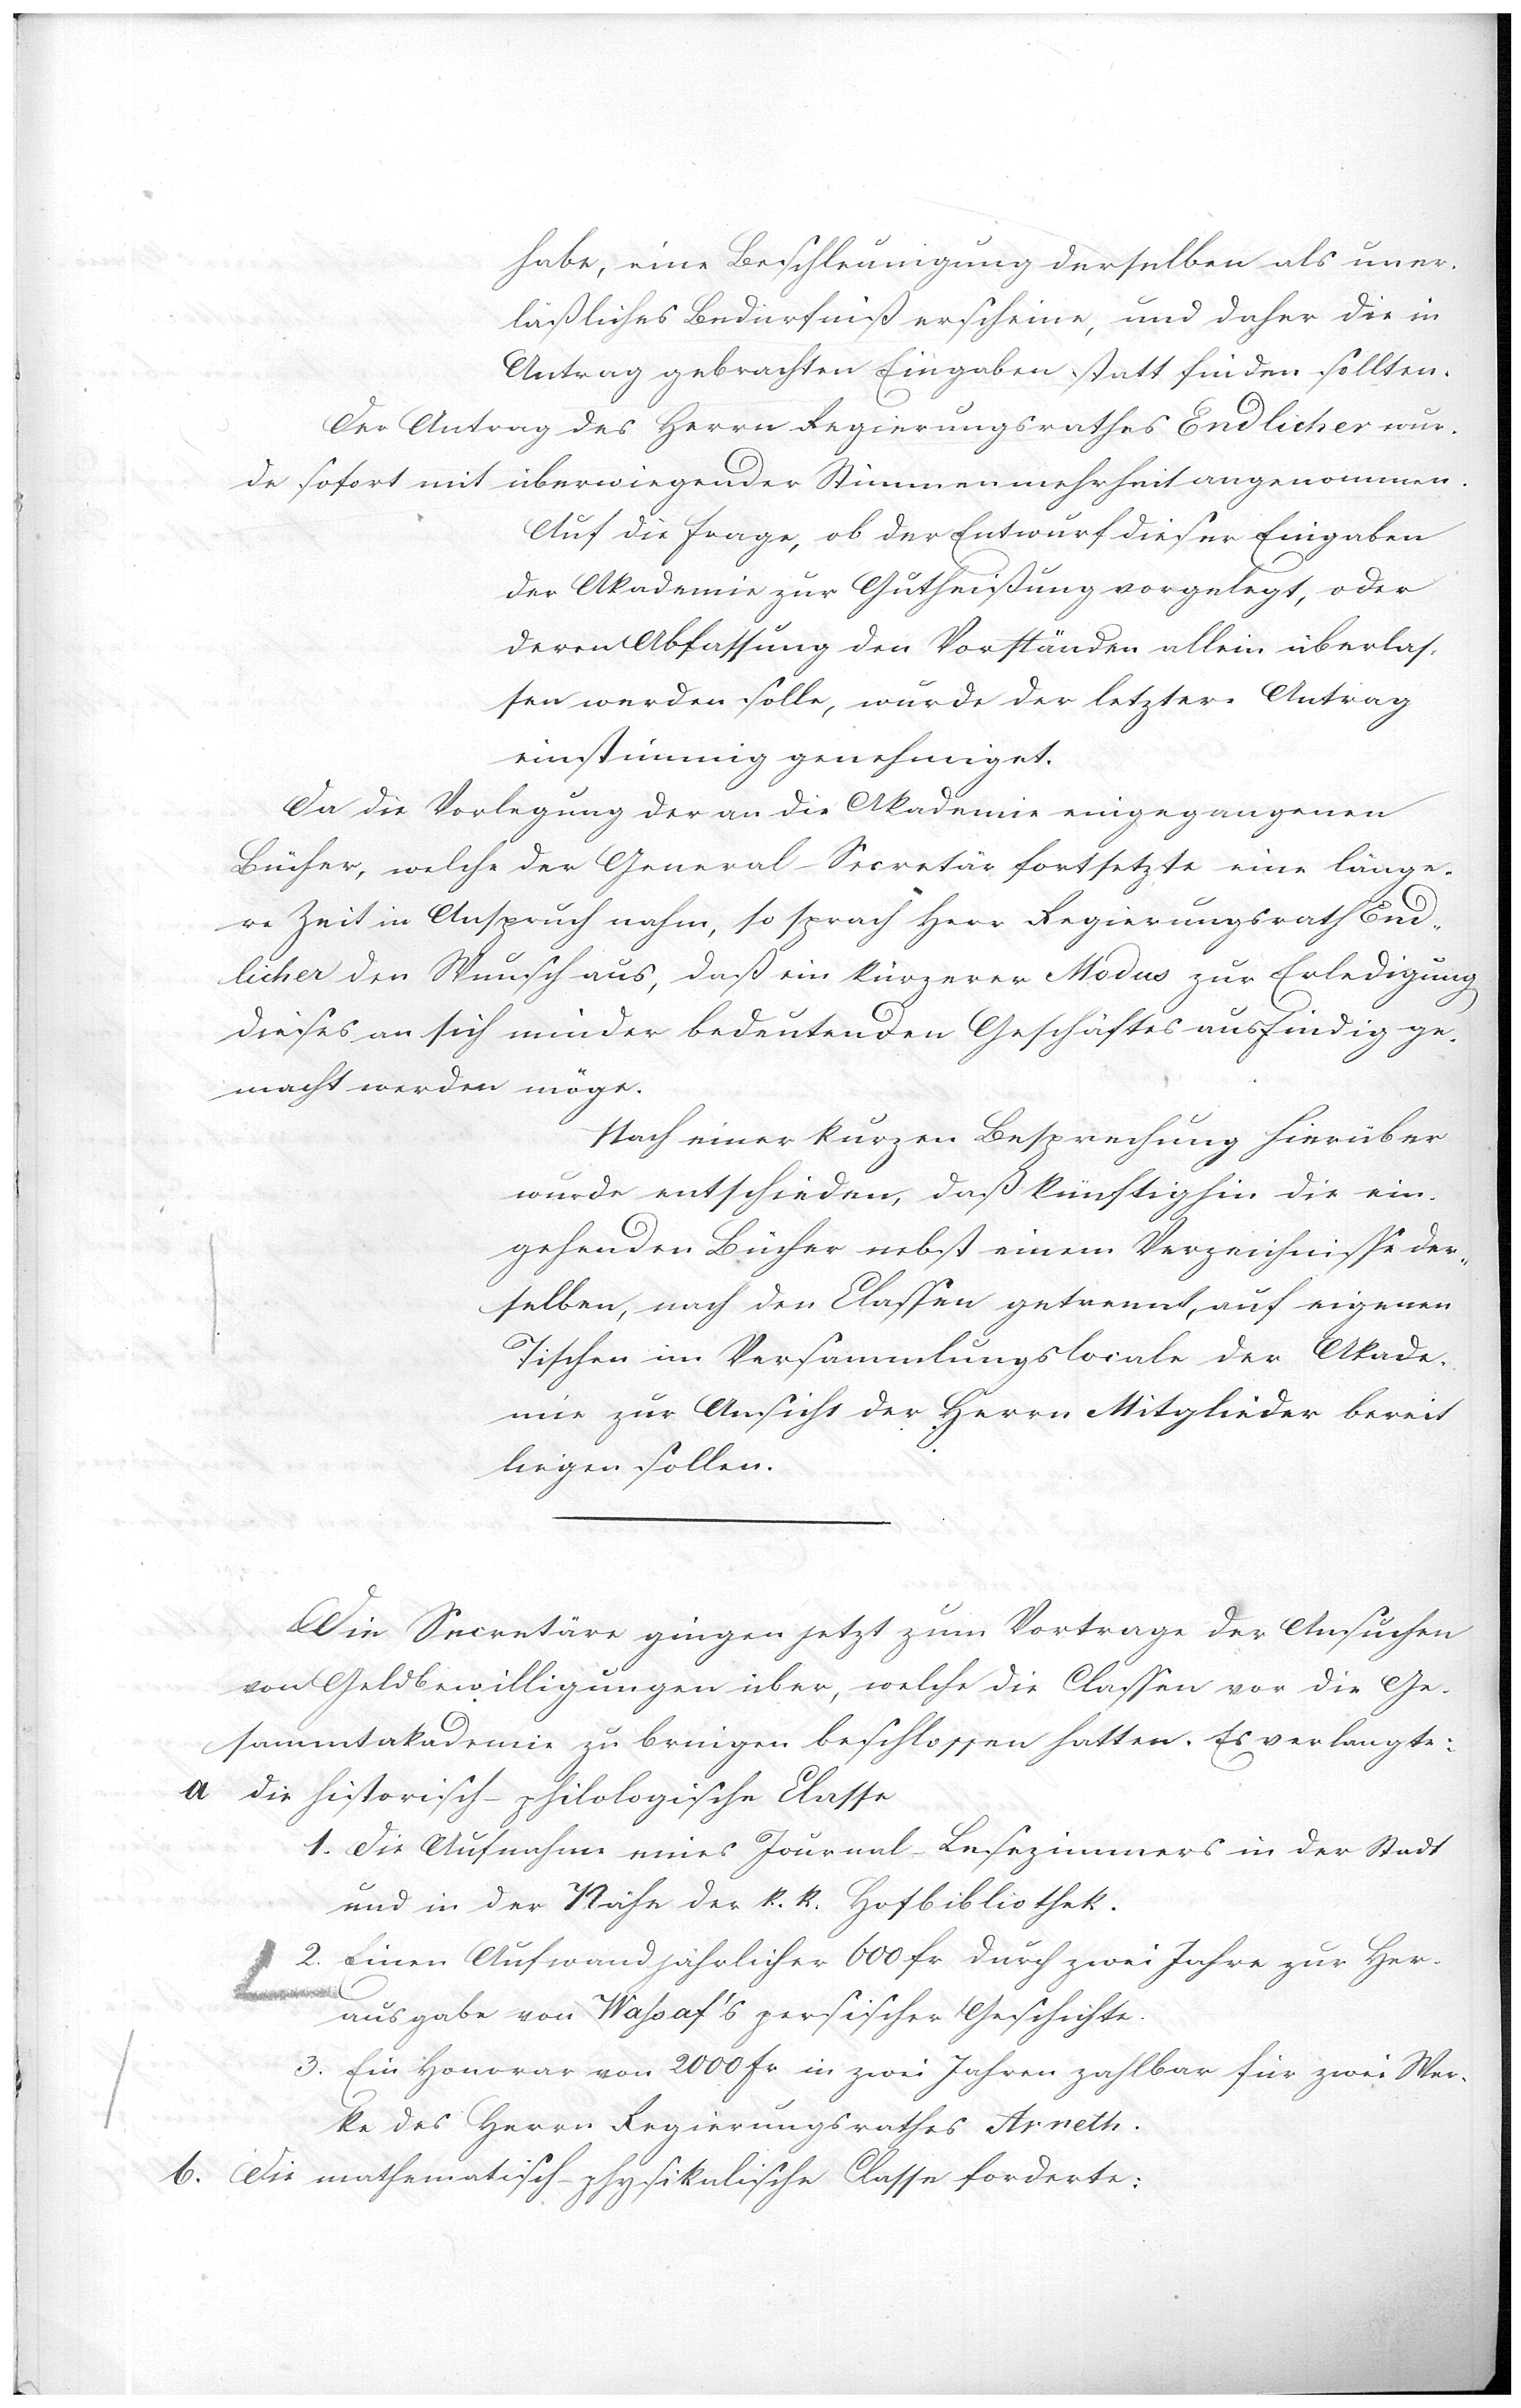habe, eine Beschleunigung derselben als uner-
läßliches Bedürfniß erschiene, und daher die in
Antag gebrachten Eingaben stattfinden sollten.
Der Antrag des Herrn Regierungsrathes Endlicher wur-
de sofort mit überwiegender Stimmenmehrheit angenommen.
Auf die Frage, ob der Wntwurf dieser Eingaben
der Akademie zur Gutheißung vorgelegt, oder
deren Abfassung den Vorständen allein überlas-
sen werden solle, wurde der letztere Antrag
eingstimmig genehmiget.
Da die Vorlegung der an die Akademie eingegangenen
Bücher, welche der General-Secretär fortsetzte, eine länge-
re Zeit in Anspruch nahm, so sprach Herr Regierungsrath End-
licher den Wunsch aus, daß ein kürzerer Modus zur Erledigung
dieses an sich minder bedeutenden Geschäftes ausfindig ge-
macht werden möge.
Nach einer kurzen Besprechung hierüber
wurde entschieden, daß künftighin die ein-
gehenden Bücher nebst einem Verzeichnisse der-
selben, nach den Classen getrennt, auf eigenen
Tischer im Versammlungslocale der Akade-
mie zur Ansicht der Herrn Mitglieder bereit
liegen sollen.
Die Secretäre gingen jetzt zum Vortrage der Ansuchen
von Geldbewilligungen über, welche die Classen vor die Ge-
sammtakademie zu bringen beschlossen hatten. Es verlangte:
a. die historisch-philologische Classe
1. Die Aufnahme eines Journal-Lesezimmers in der Stadt
und in der Nähe der k.k. Hofbibliothek.
2. Einen Aufwand jährlicher 600 fr durch zwei Jahre zu Her-
ausgabe von Wassaf's persischer Geschichte.
3. Ein Honorar von 2000 fr in zwei Jahren zahlbar für zwei Wer-
ke des Hern Regierungsrathes Arneth.
b. Die mathematisch-physikalische Classe forderte: